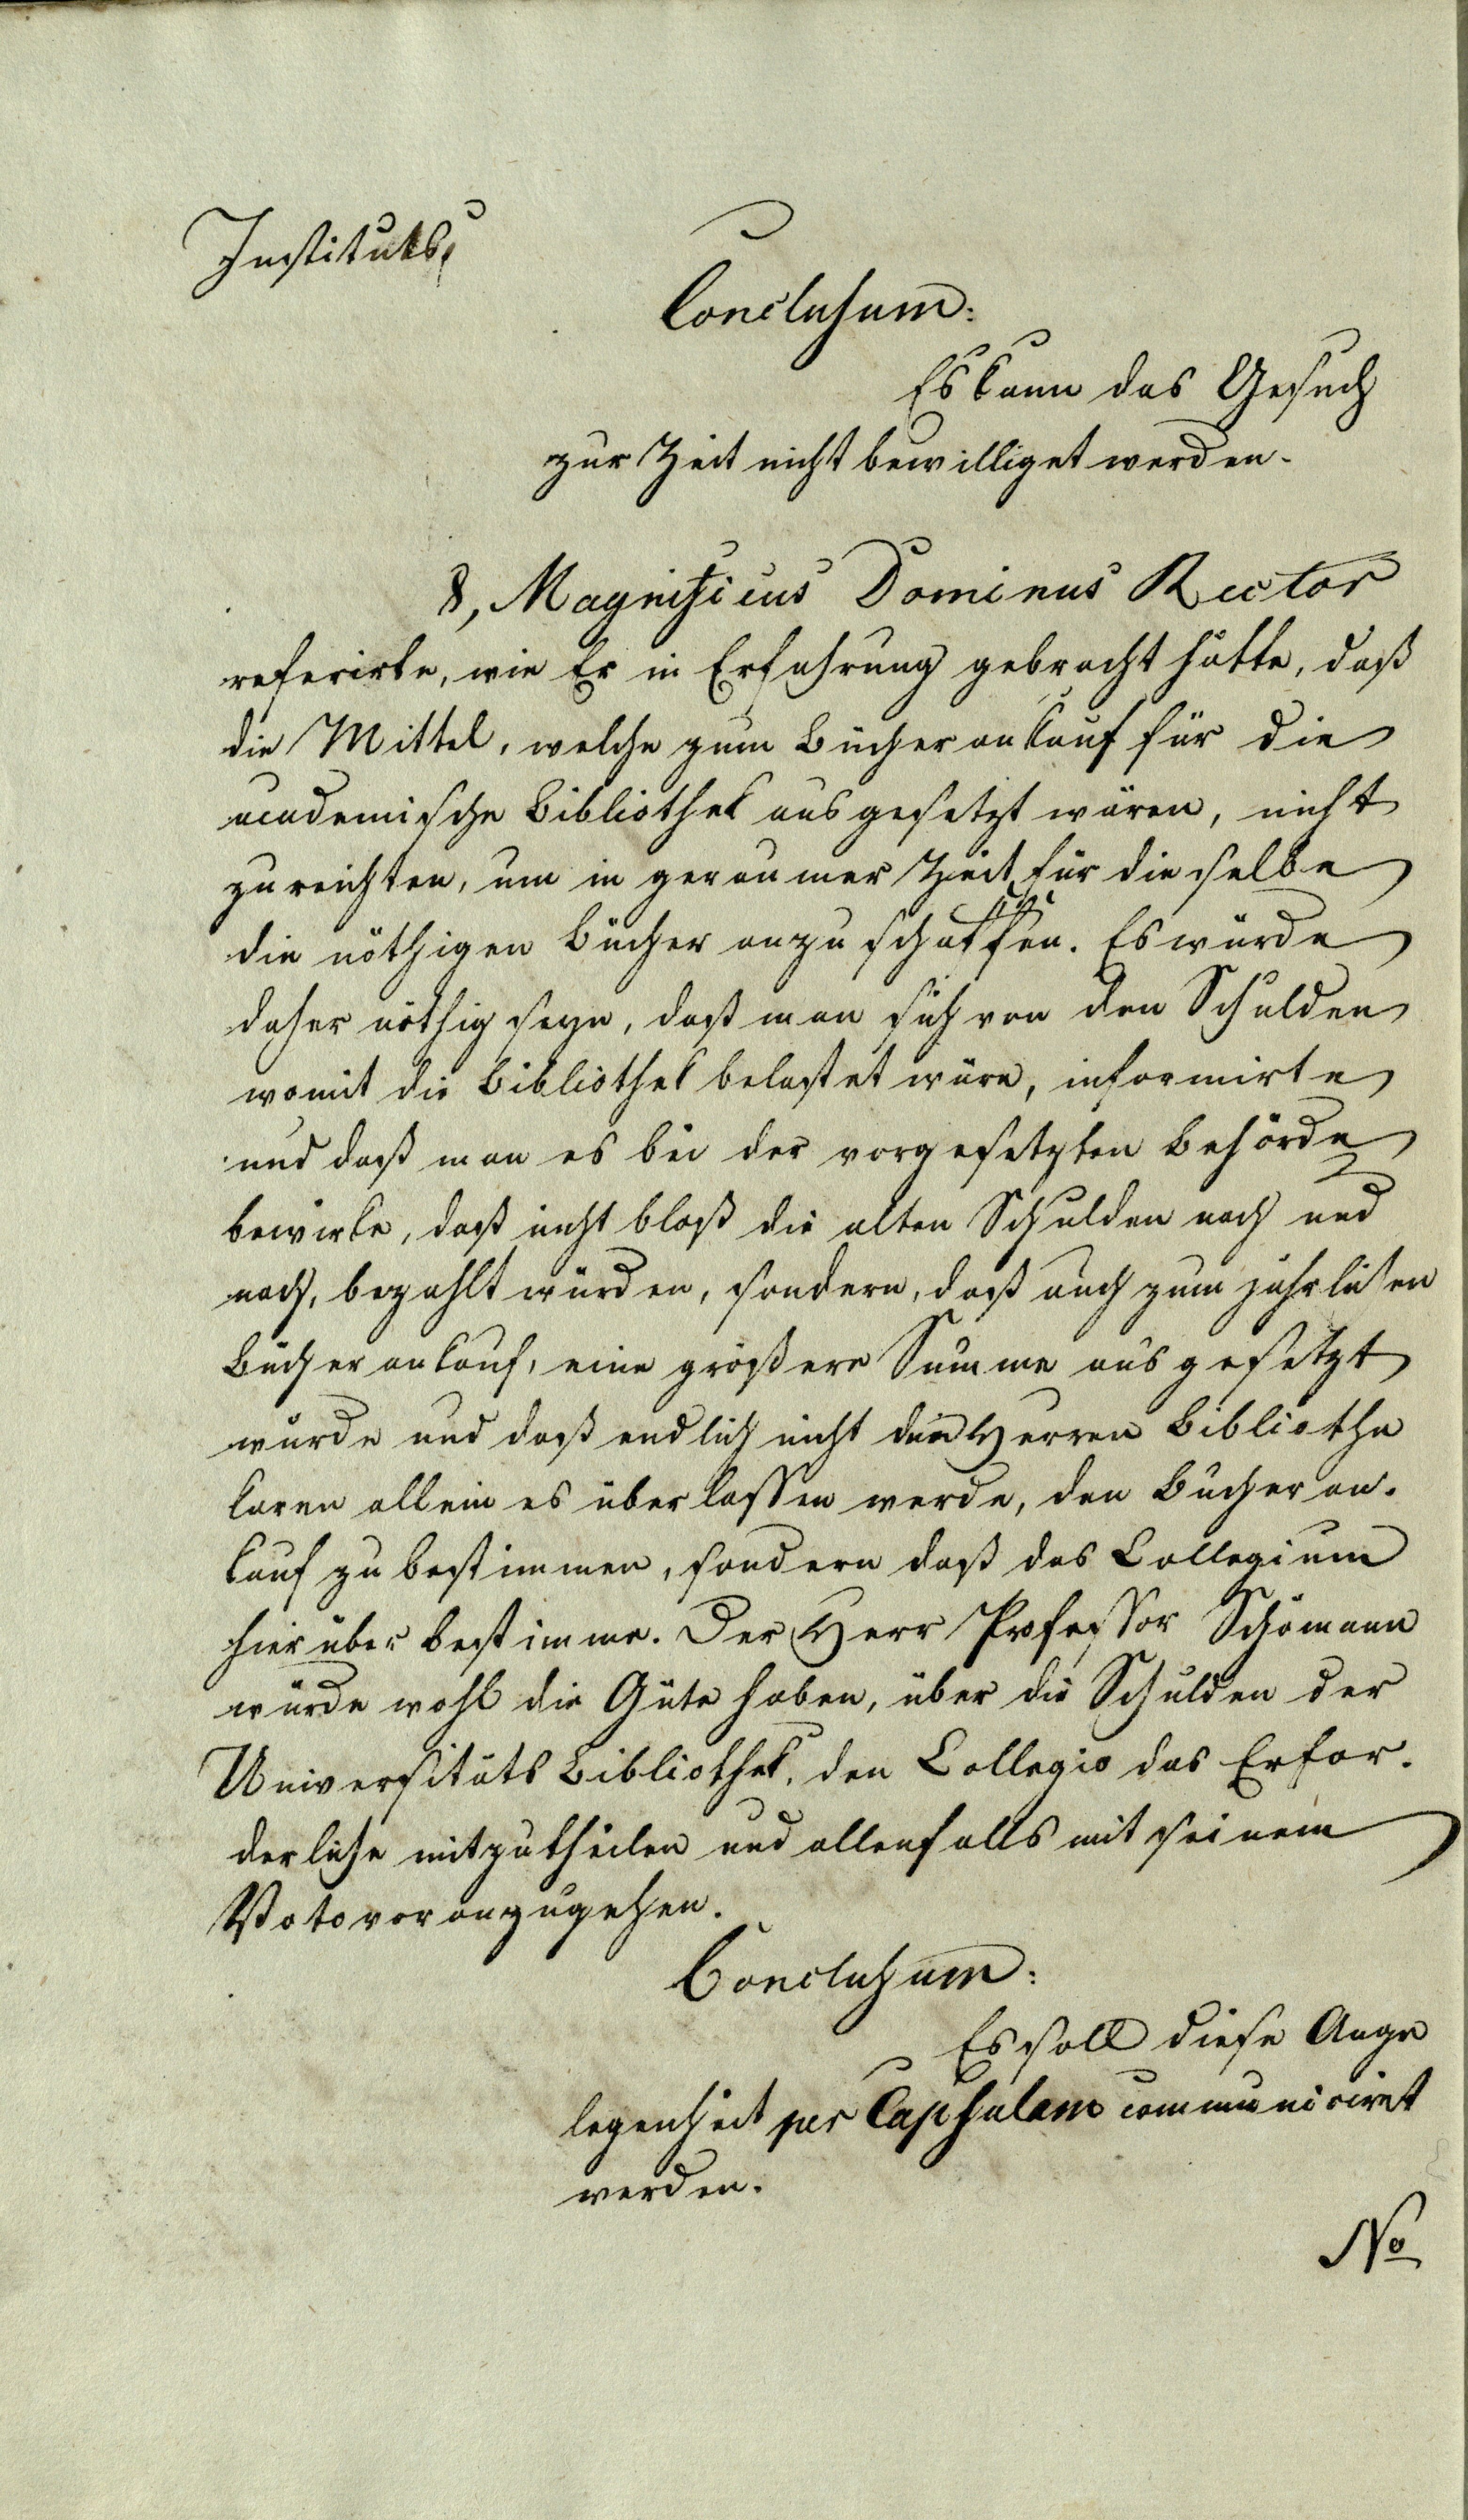Instituts
Conclusum:
Es kann das Gesuch
zur Zeit nicht bewilliget werden.
8, Magnificus Dominus Rector
referirte, wie Er in Erfahrung gebracht hätte, daß
die Mittel, welche zum Bücherankauf für die
academische Bibliothek ausgesetzt wären, nicht
zureichten, um in geraumer Zeit für dieselbe
die nöthigen Bücher anzuschaffen. Es würde
daher nöthig seyn, daß man sich von den Schulden
womit die Bibliothek belastet wäre, informirte
und daß man es bei der vorgesetzten Behörde
bewirke, daß nicht bloß die alten Schulden nach und
nach, bezahlt würden, sondern, daß auch zum jährlichen
Bücherankauf, eine größere Summe ausgesetzt
würde und daß endlich nicht den Herren Bibliothe¬
karen allein es überlassen werde, den Bücheran¬
kauf zu bestimmen, sondern daß das Collegium
hierüber bestimme. Der Herr Professor Schömann
würde wohl die Güte haben, über die Schulden der
Universitäts Bibliothek, den Collegio das Erfor¬
derliche mitzutheilen und allenfalls mit seinem
Voto voranzugehen.
Conclusum:
Es soll diese Ange¬
legenheit per Capsulam communiciret
werden.
Nº